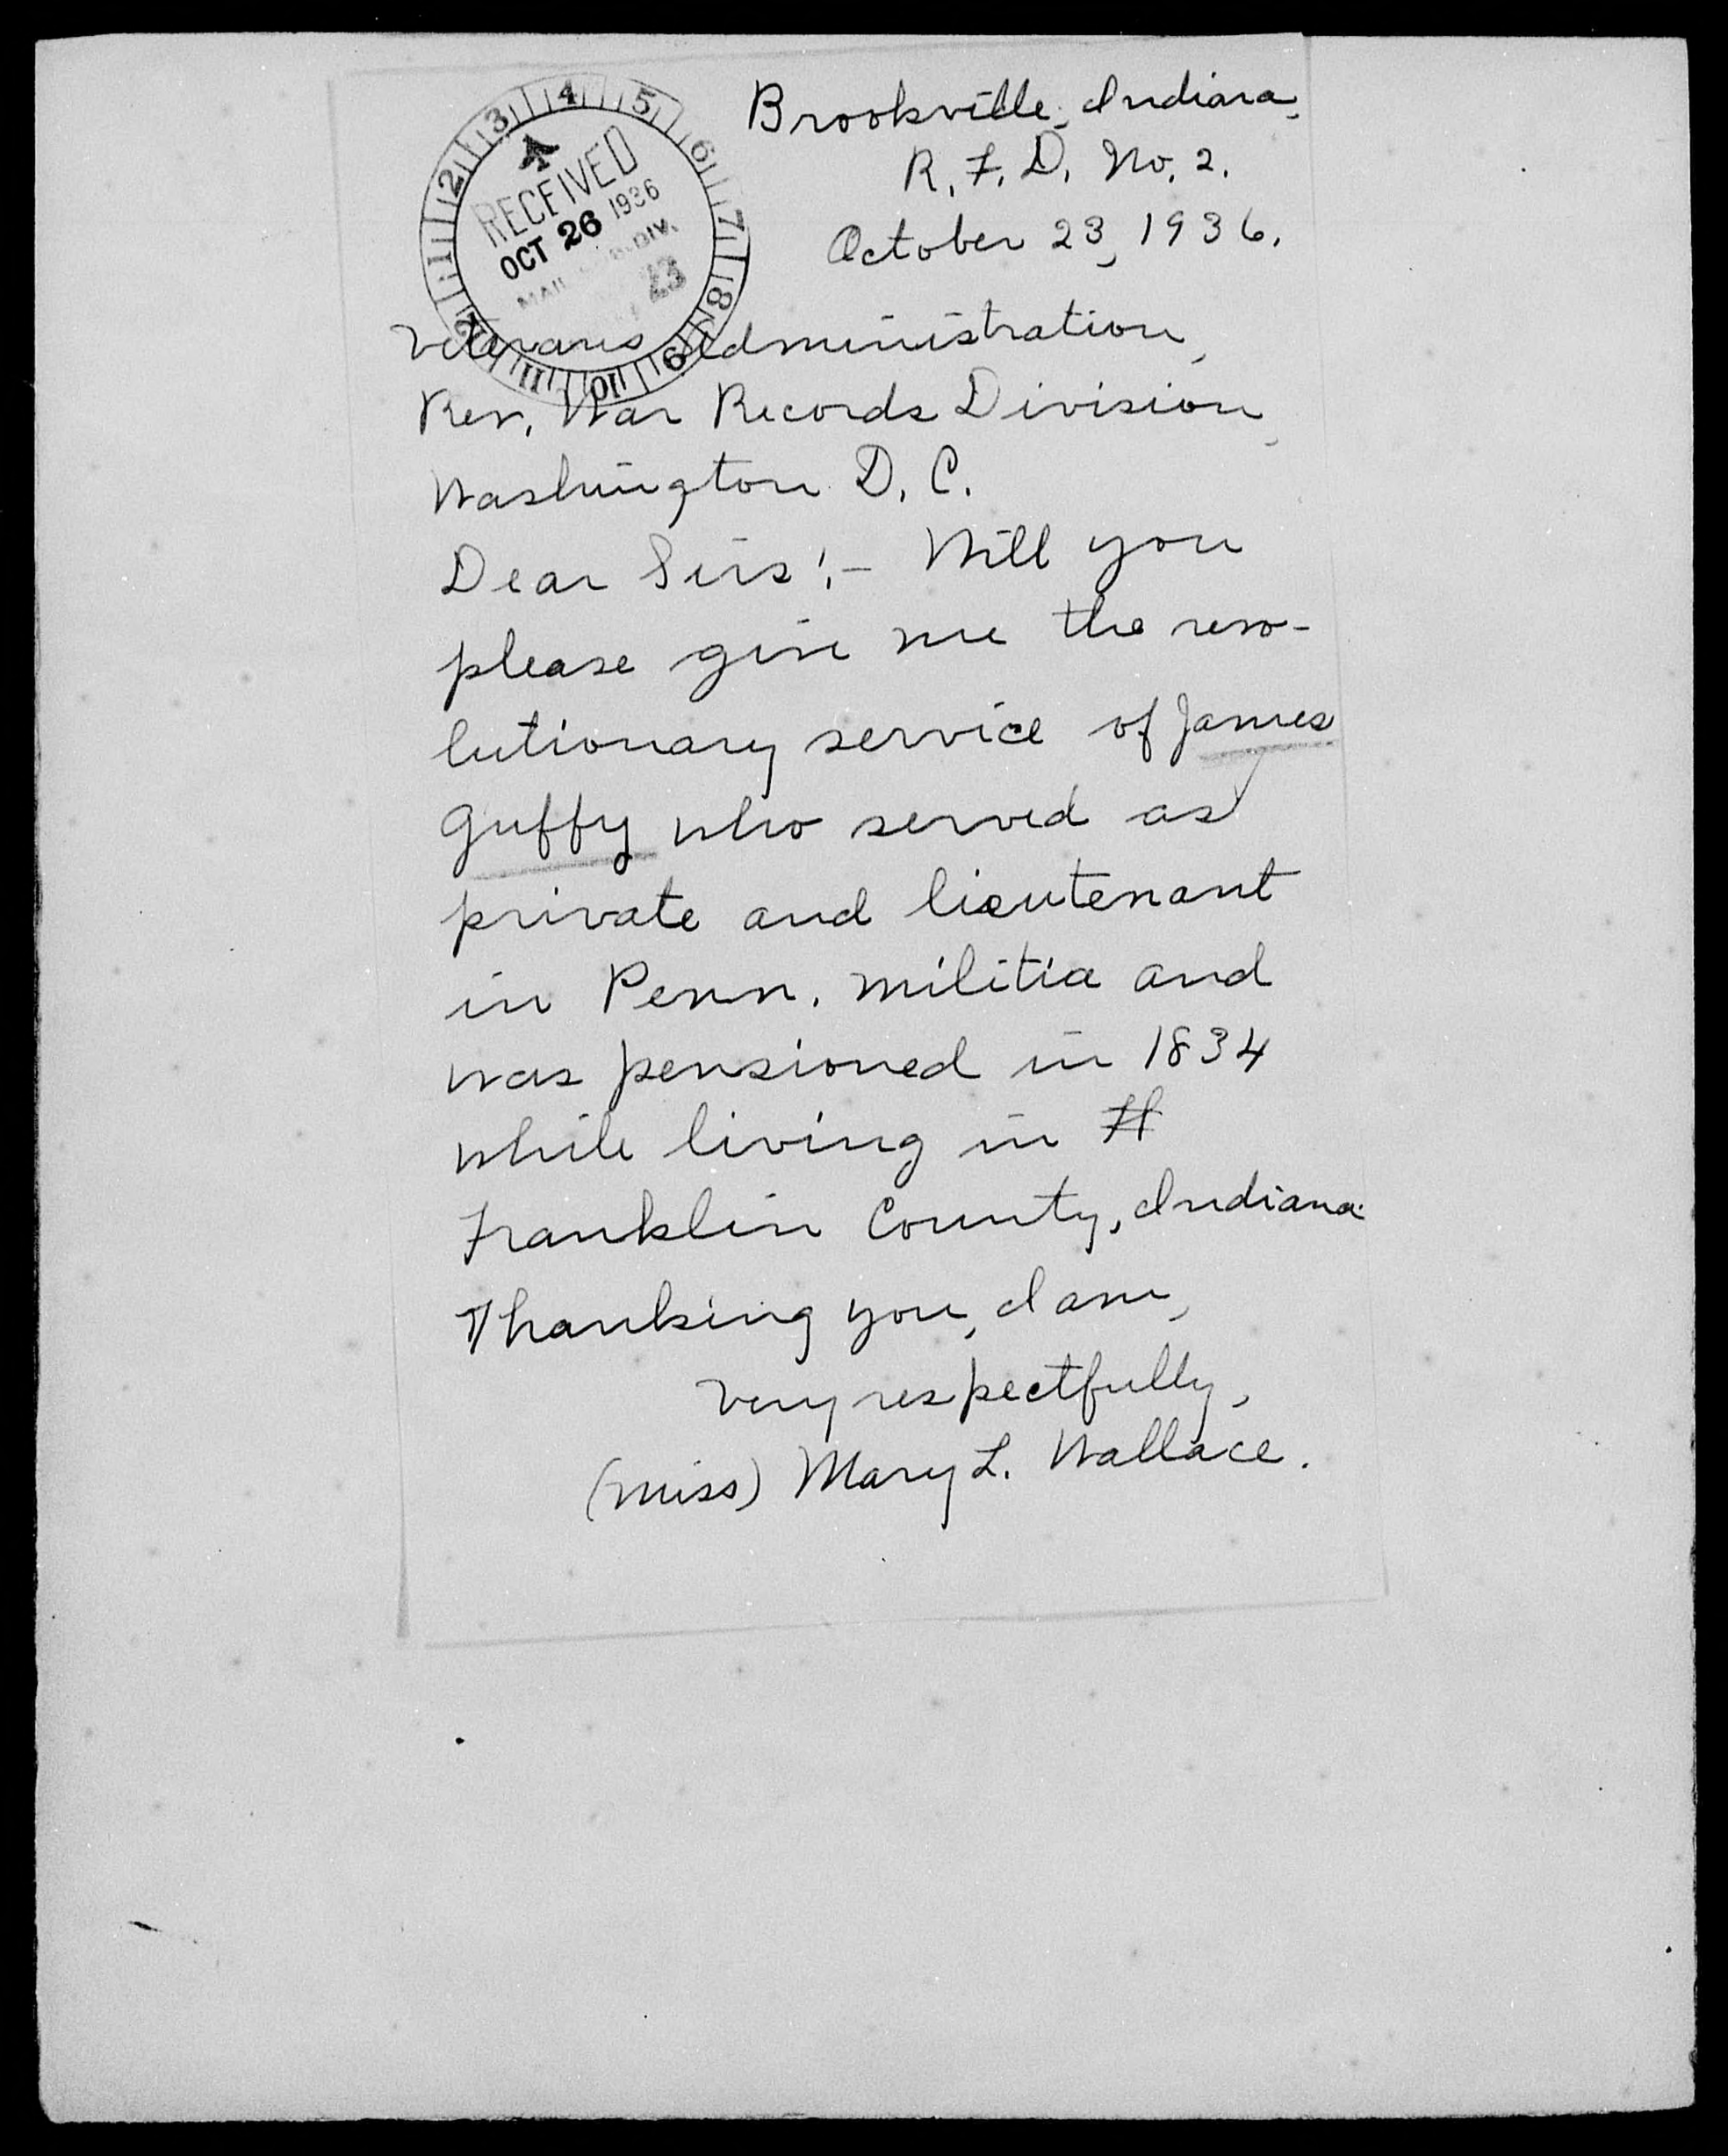Brooksville, Indiana
R.F.D. No. 2. 
October 23, 1936

Veterans Administration, 
Rev War Records Division
Washington D.C.

[stamped]
Received
Oct 26 1936
Mail Sub Div
Reader #23

Dear Sirs: Will you please give me the revolutionary service of James Guffy who served as private and lieutenant in Penn. Militia and was pensioned in 1834 while living in Franklin County, Indiana.
Thanking you, 
I am, 
Very respectfully, 
(Miss) Mary L. Wallace.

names: Mary L Wallace, James Guffy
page: 19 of 36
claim: survivor's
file: S. 31,718, James Guffey, Penn.